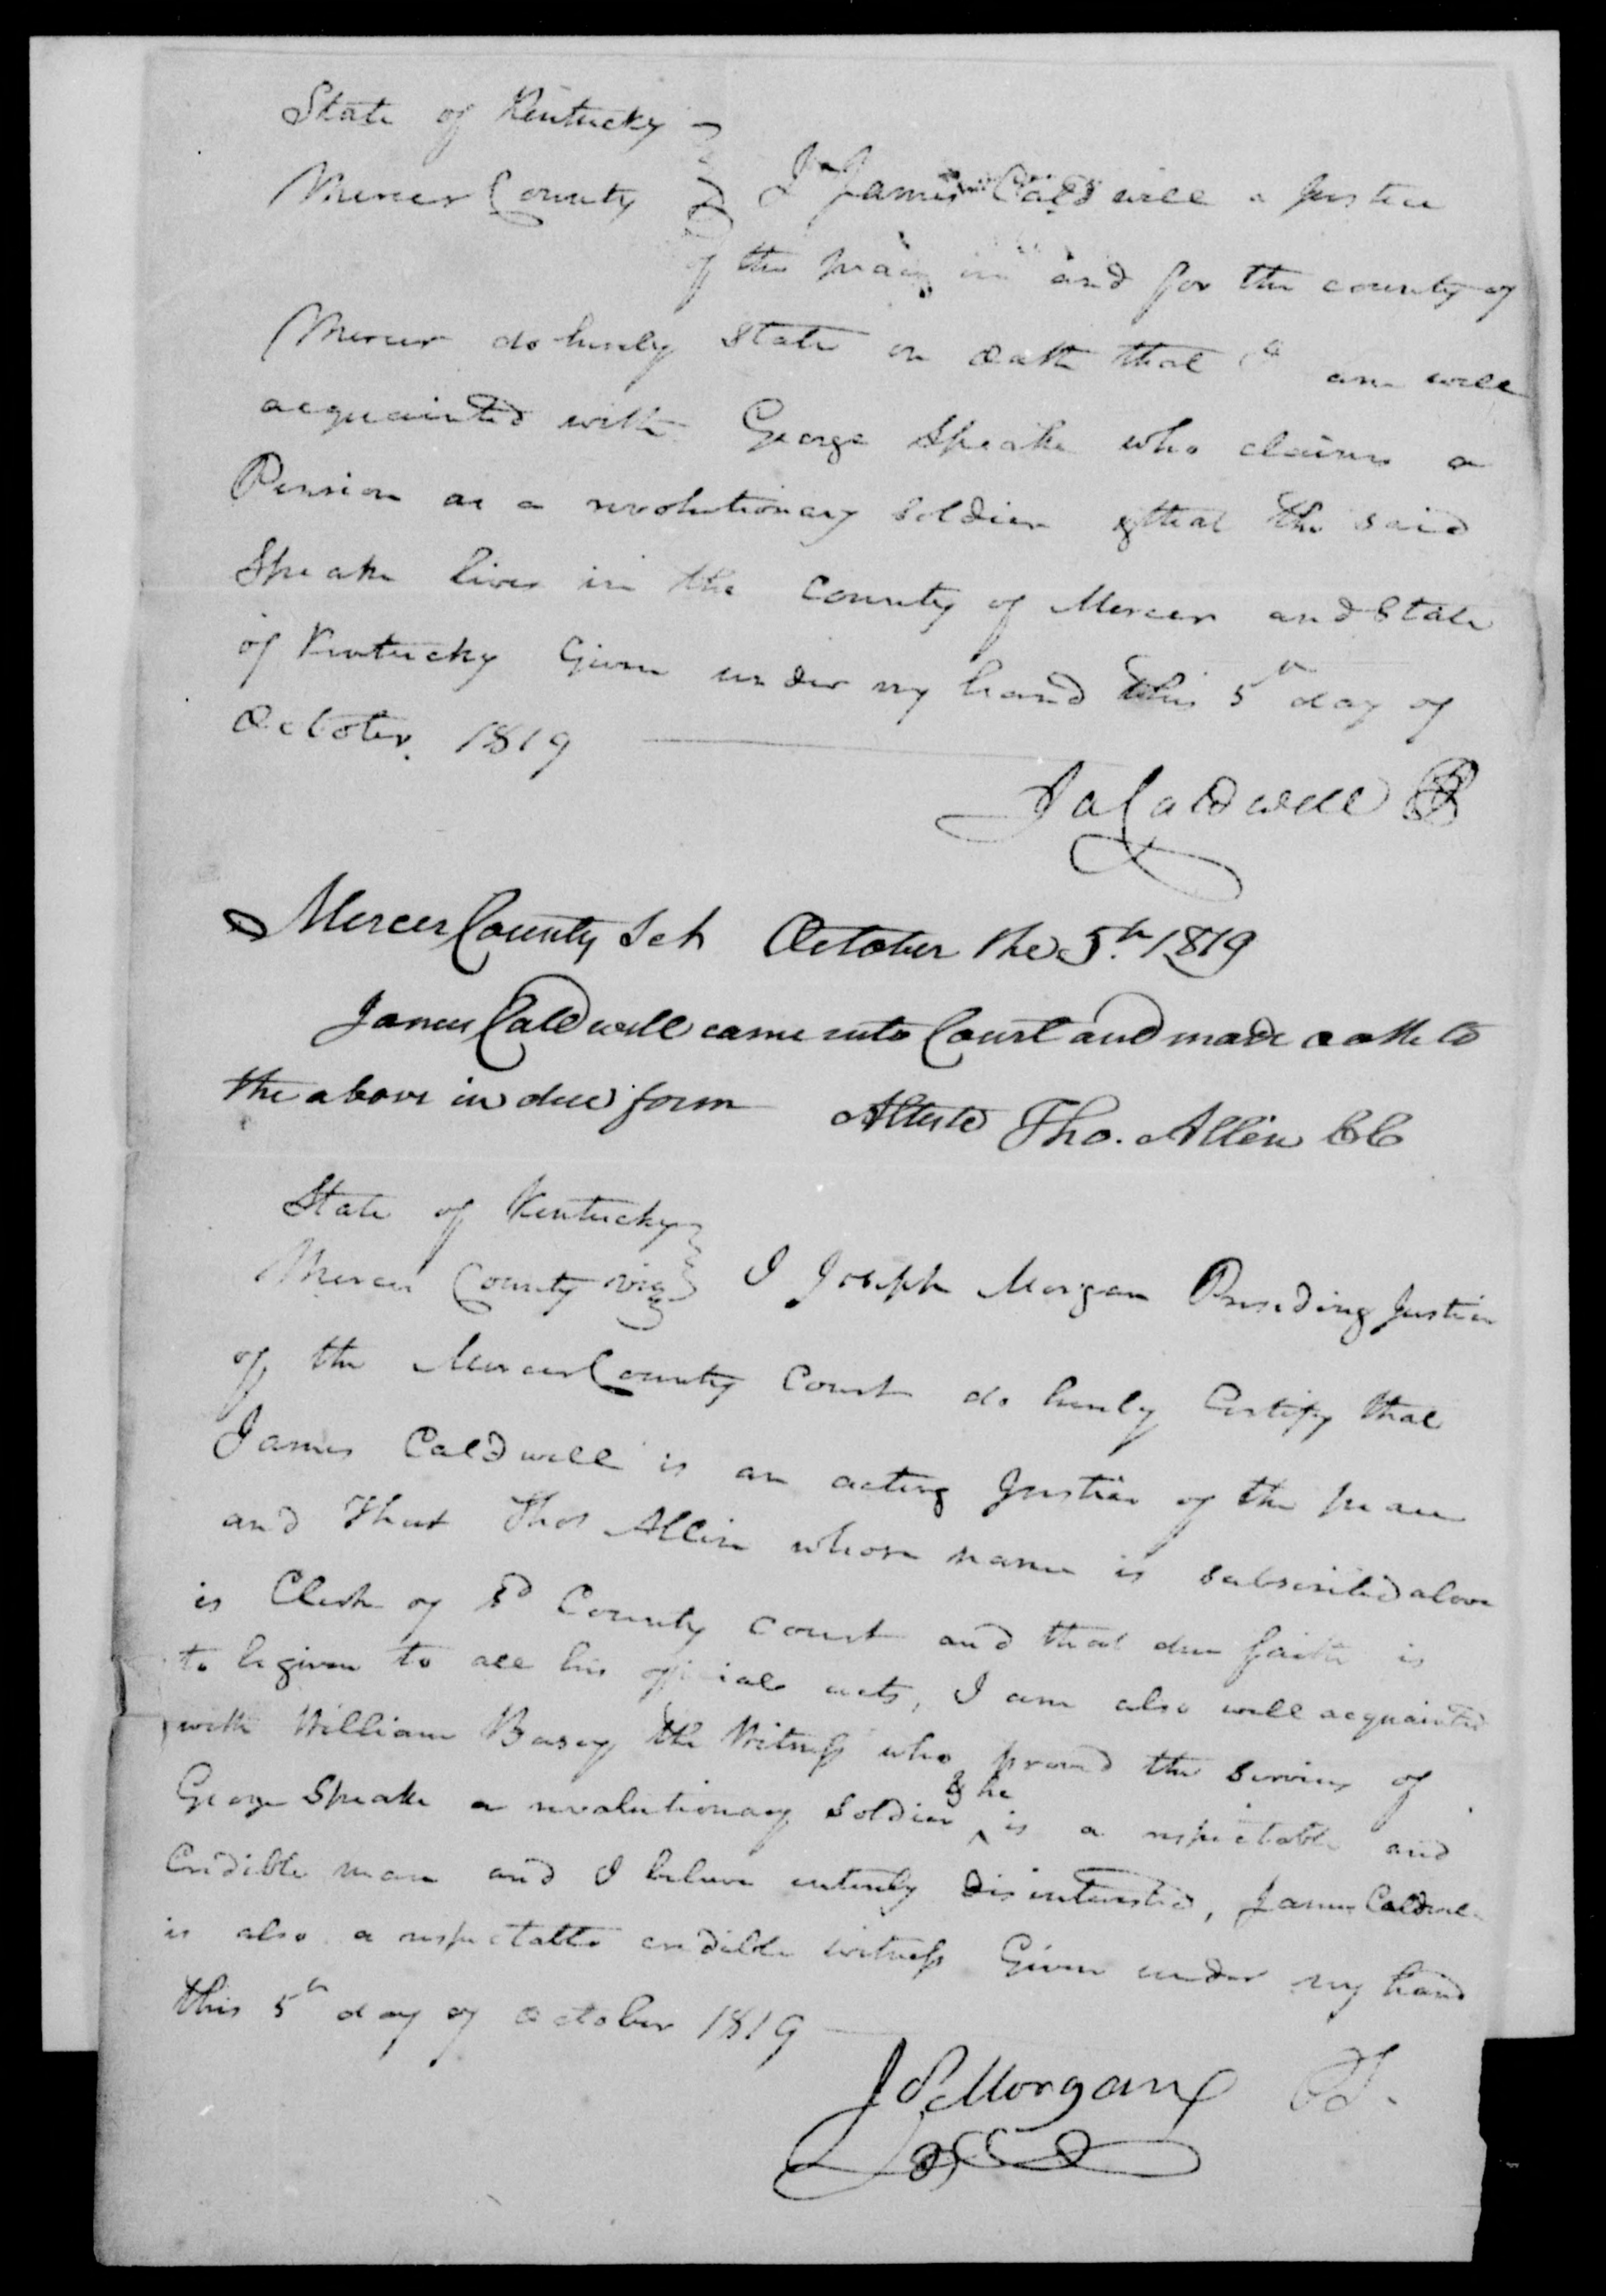State of Kentucky}
Mercer County} I James Caldwell a Justice of the peace in and for the county of Mercer do hereby state in oath that I am well acquainted with George  Speak who claims a Pension as a revolutionary soldier & that the said Speak lived in the county of Mercer and State of Kentucky 
Given under my hand this 5th day of October 1819
Jas. Caldwell JP

Mercer County Set October the 5th 1819
James Caldwell came in to  Court and made oath to the above in due form
Attest Tho. Allen CC.

State of Kentucky}
Mercer County viz} I Joseph Morgan Presding Justice of the Mercer County Court do hereby certify that James Caldwell is an acting Justice of the peace and that Thos. Allen whose name is subscrbed above is Clerk of sd. County Court and that due faith is to be given to all his official acts, I am also well acquainted with William Basey the Witness who proved the services of George Speak a revolutionary soldier & he is a  respectable and credible man and I believe entirely disinterested, James Caldwell is also a respectable credible witness Given under my hand this 5th day of October 1819
Jos. Morgan J. P.
[Siginature]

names: Joseph Morgan; Tho Allen; James Caldwell; James Caldwell; William Basey; George Speake; James Caldwell; Thos Allen; James Caldwell; Jos Morgan; Ja Caldwell; [BLANK] Speake; George Speake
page: 10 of 15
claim: survivor's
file: S. 37,435, for George Speak, Virginia